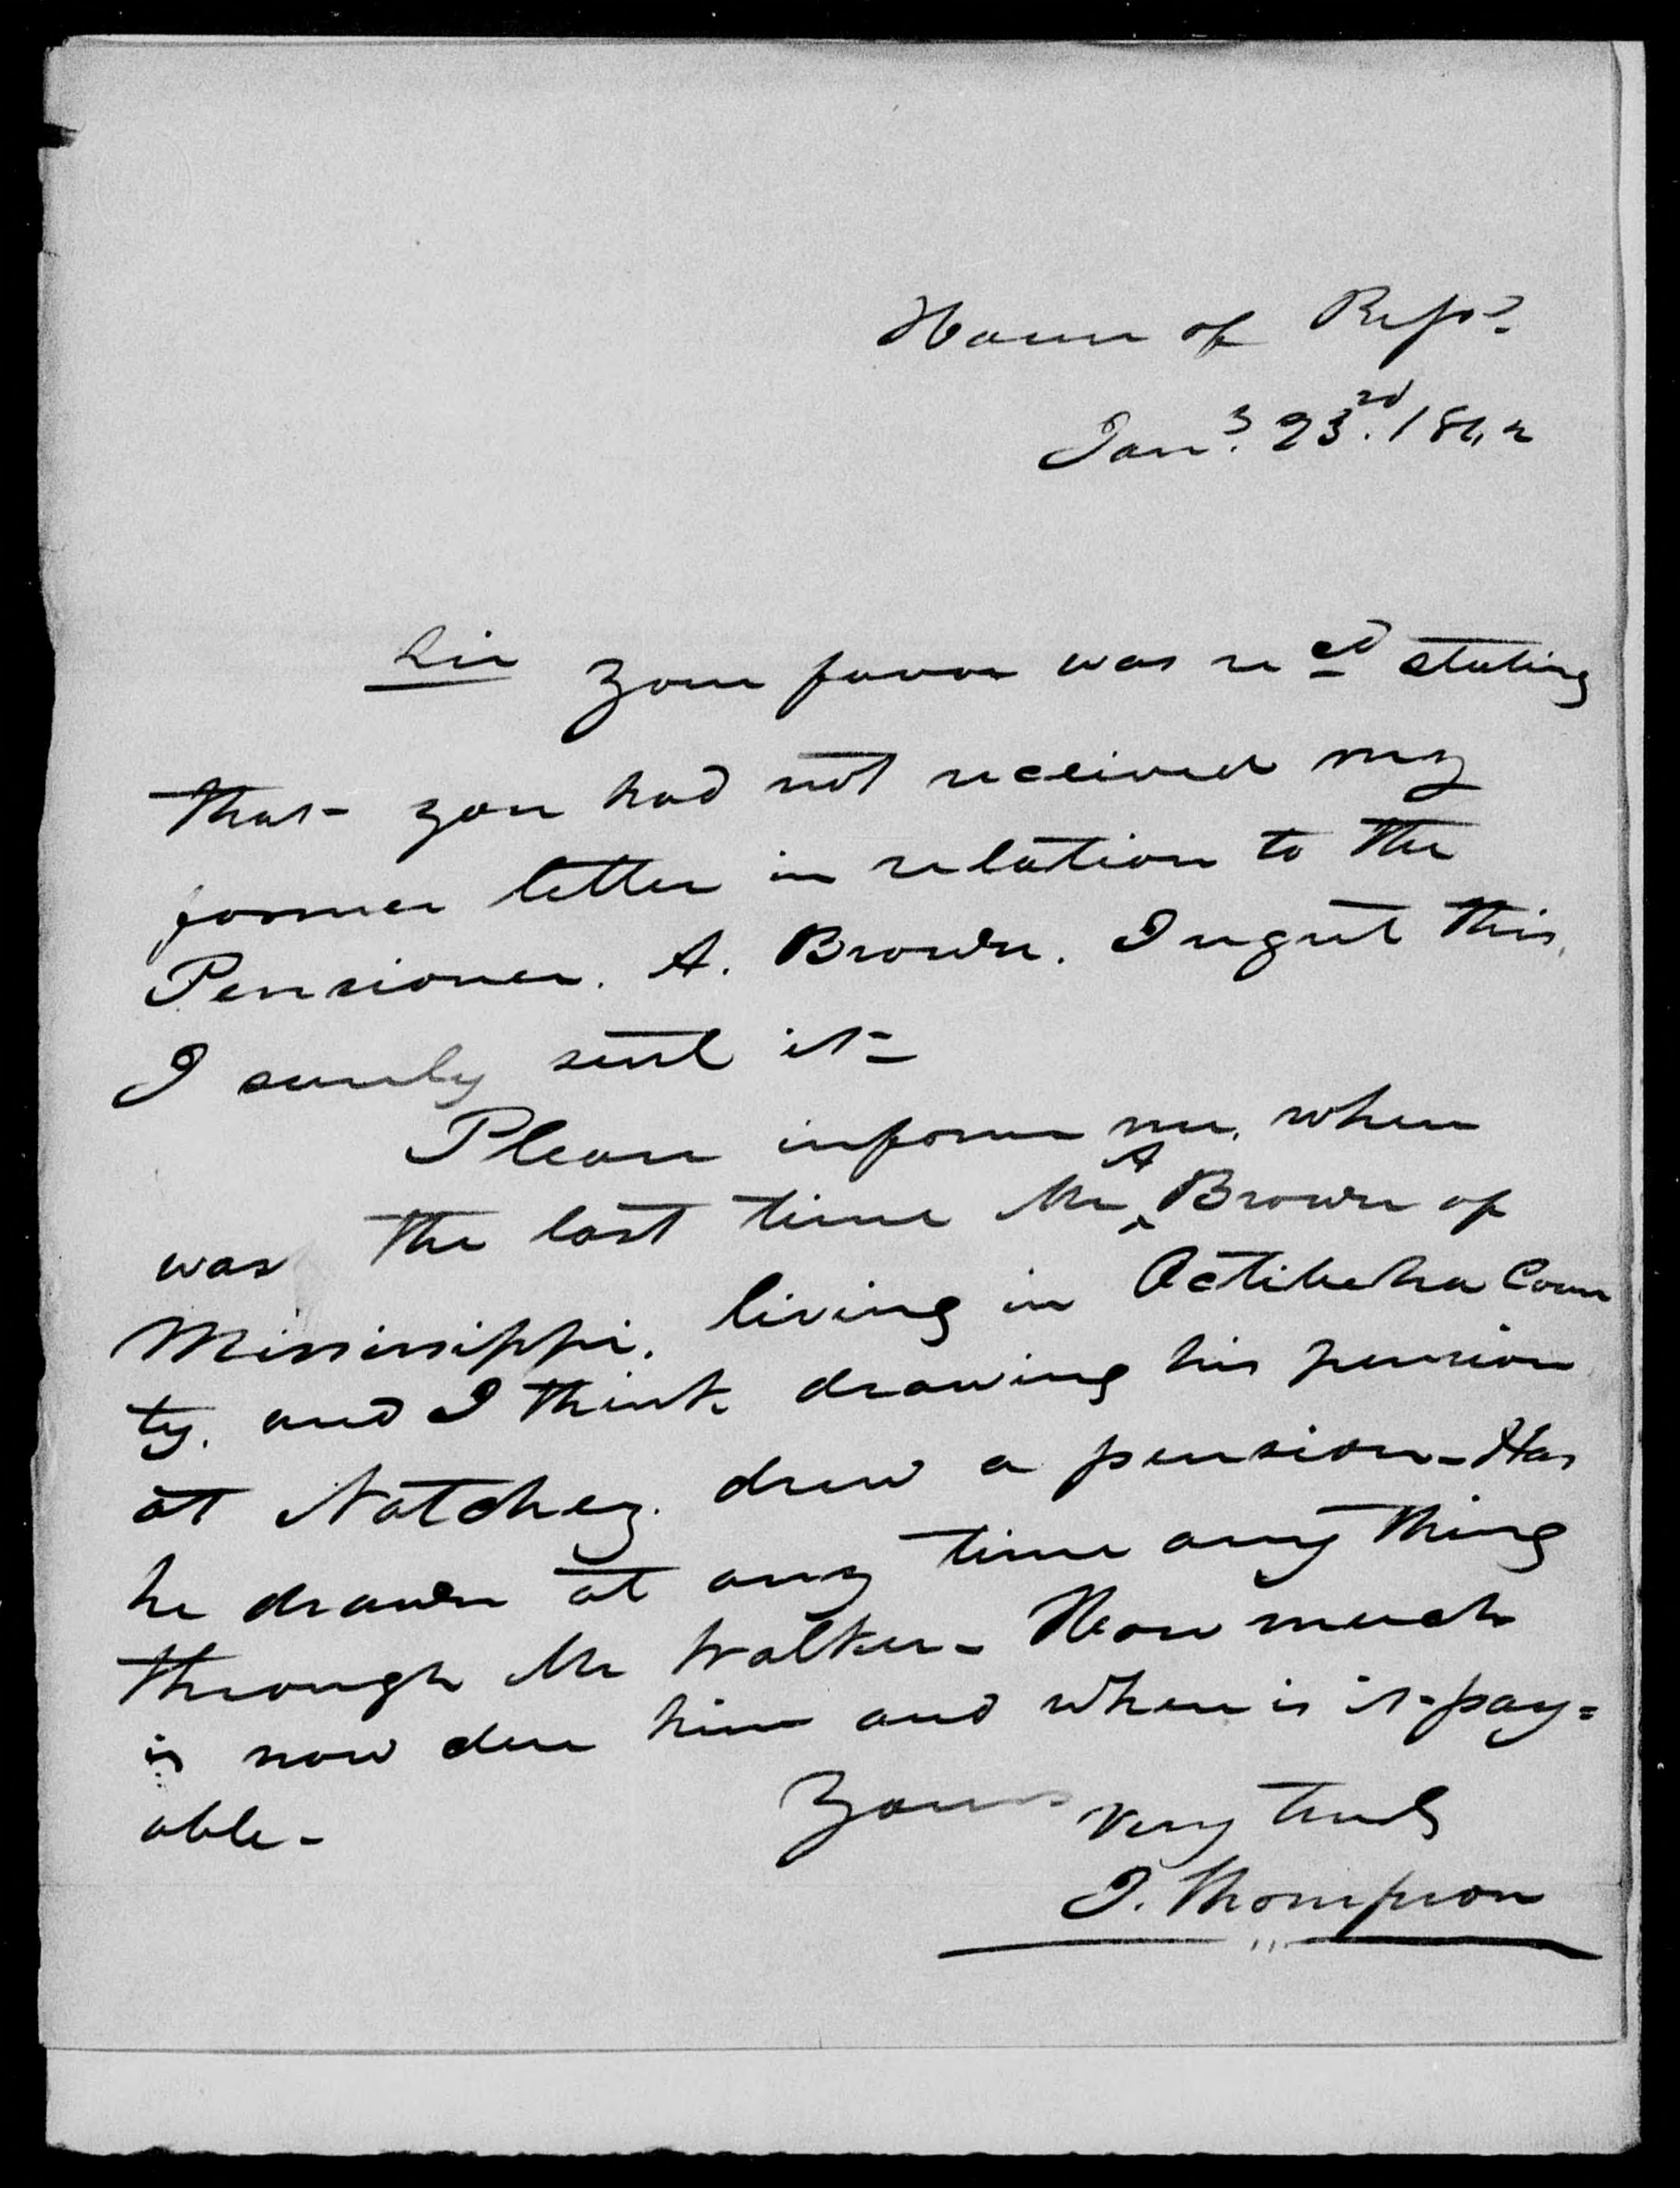House of Rep
Jany 23rd 1842
Sir
Your favor was recd. stating that you had
not received my former letter in relation to the
Pensioner, A Brown. I regret this I surely sent it.
Please inform me when was the last time Mr A. Brown of Mississippi living in Octibeha County and I think drawing his pension at Natchez drew a pension. Has he drawn at any time anything through  Mr Walker. How much is now due
him and where is it payable.
Yours Very Truly
J. Thompson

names: Walker, J Thompson, A Brown, A Brown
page: 75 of 85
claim: widow's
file: W. 5,906, John Brown, S.C.